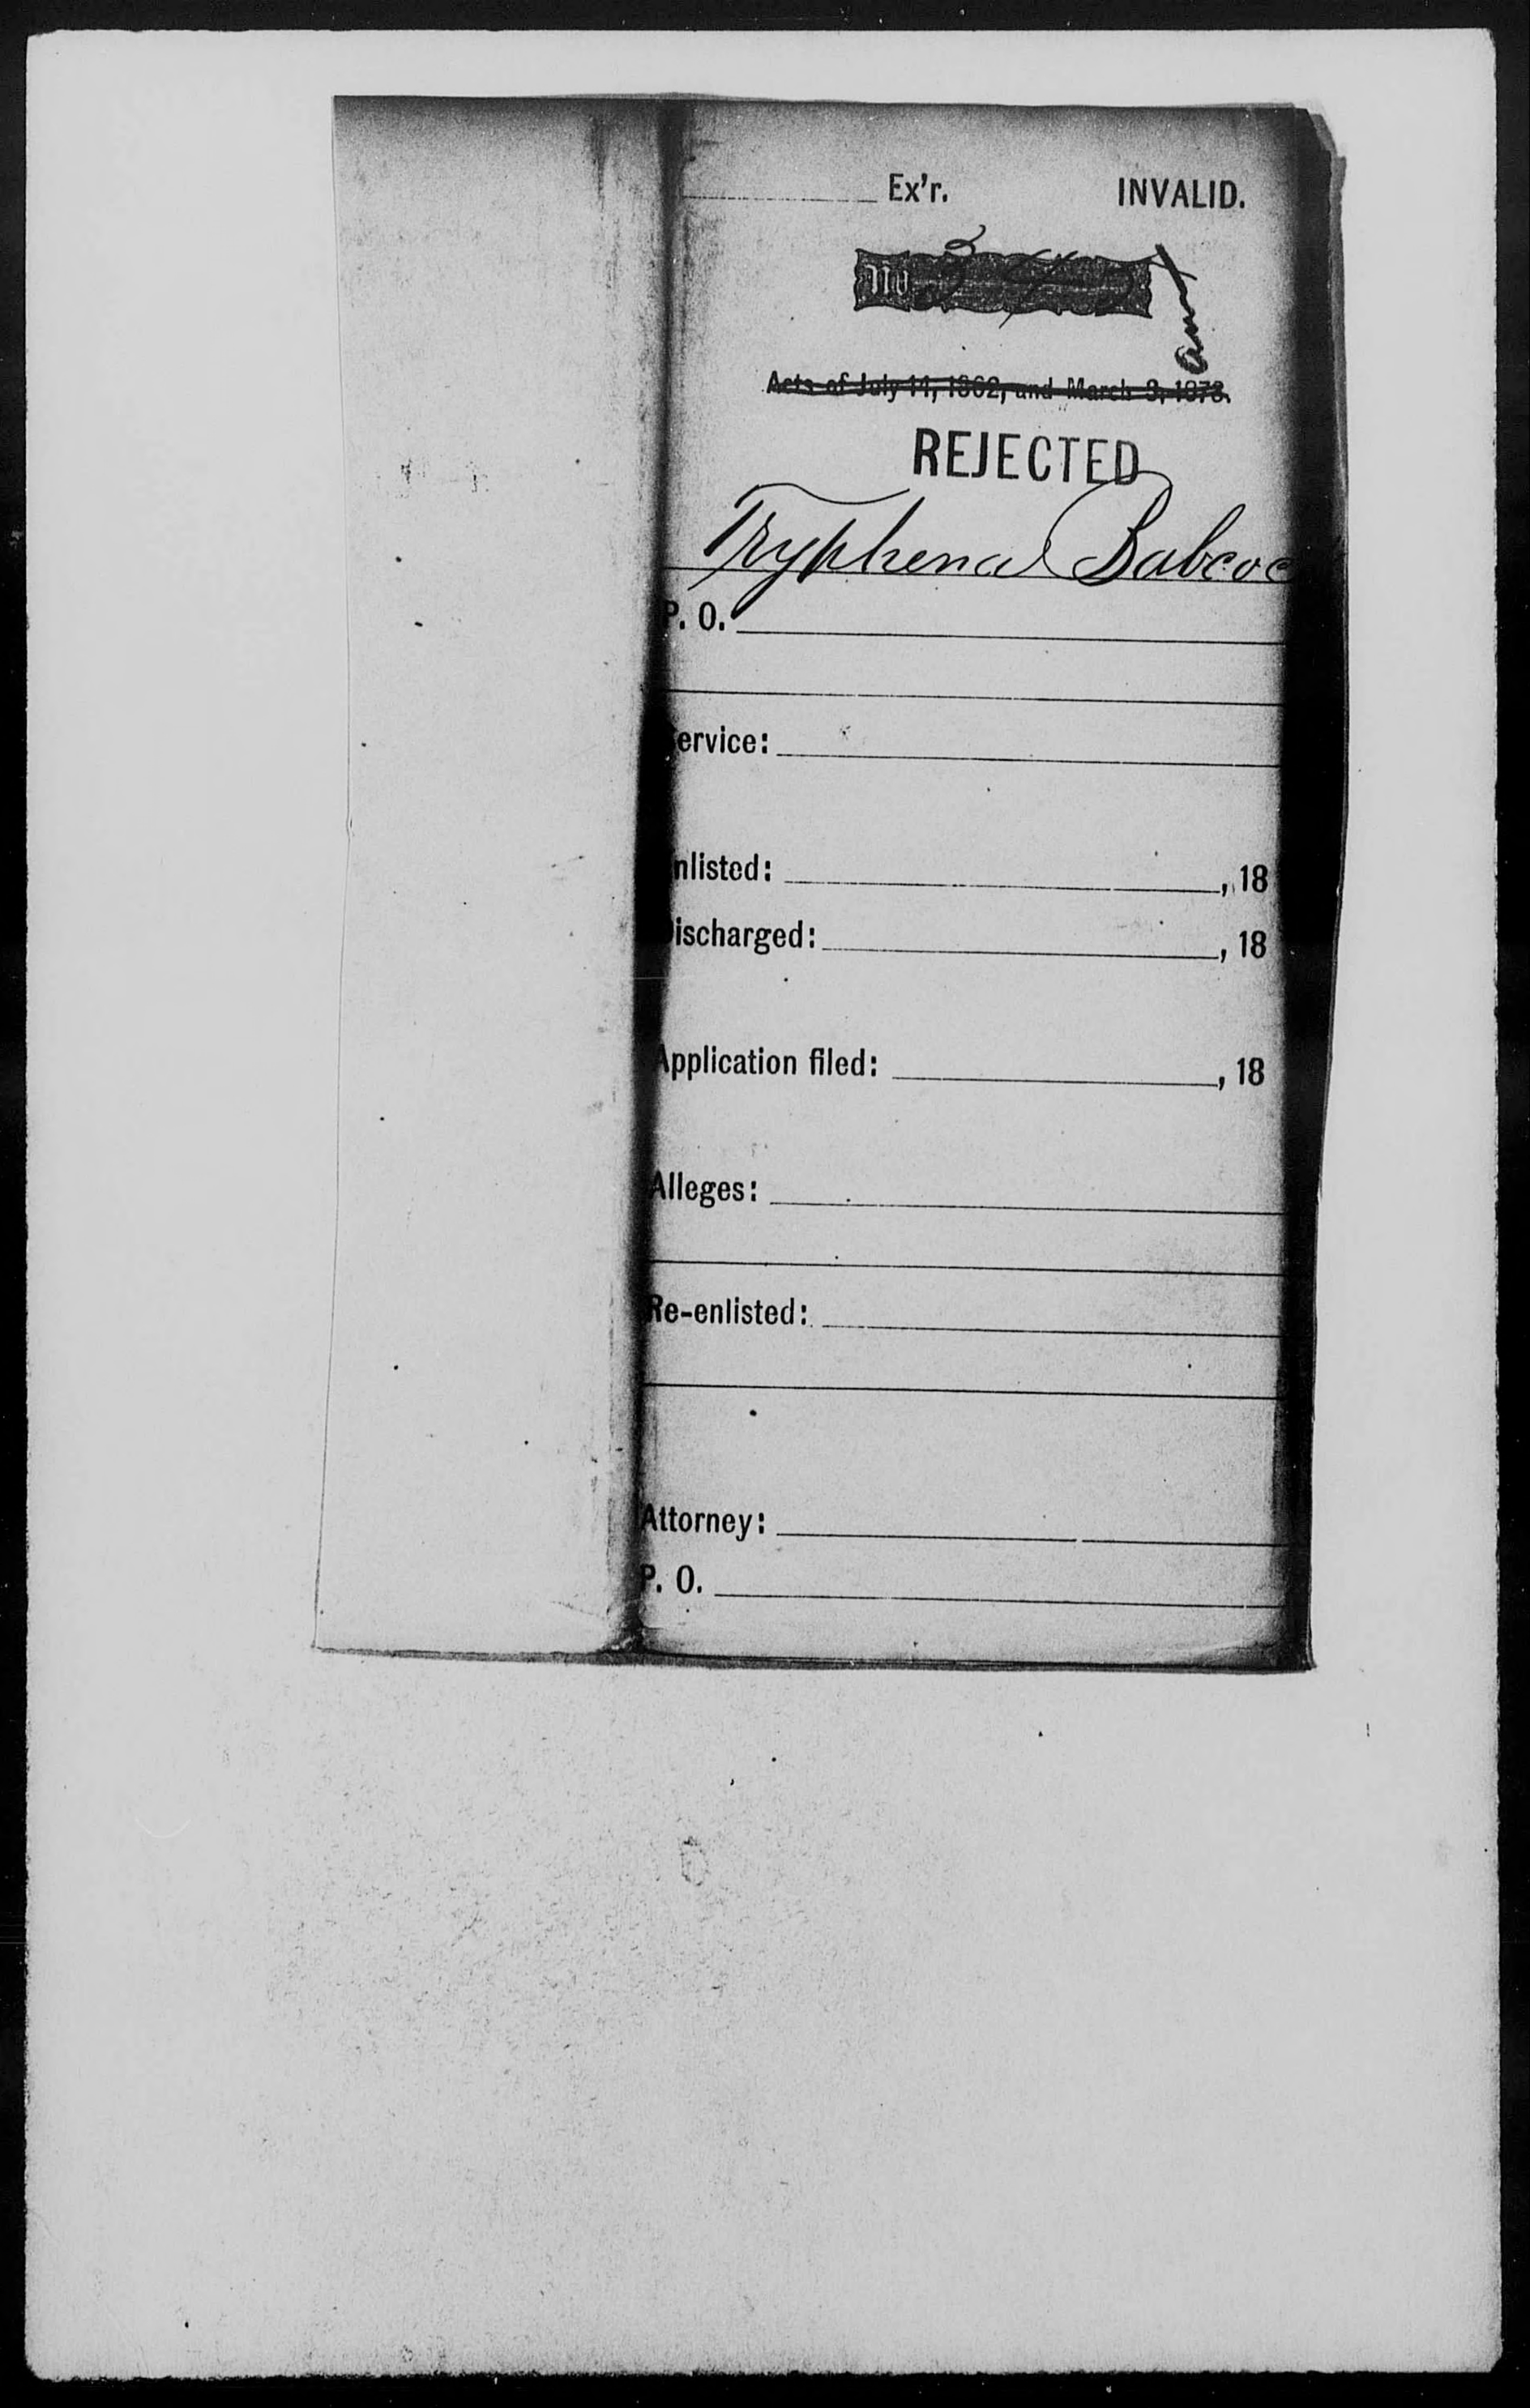Ex’r  INVALID
REJECTED
Tryphena Babcock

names: Tryphena Babcock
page: 10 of 10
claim: rejected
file: R. 345, Daniel Babcock, Conn.